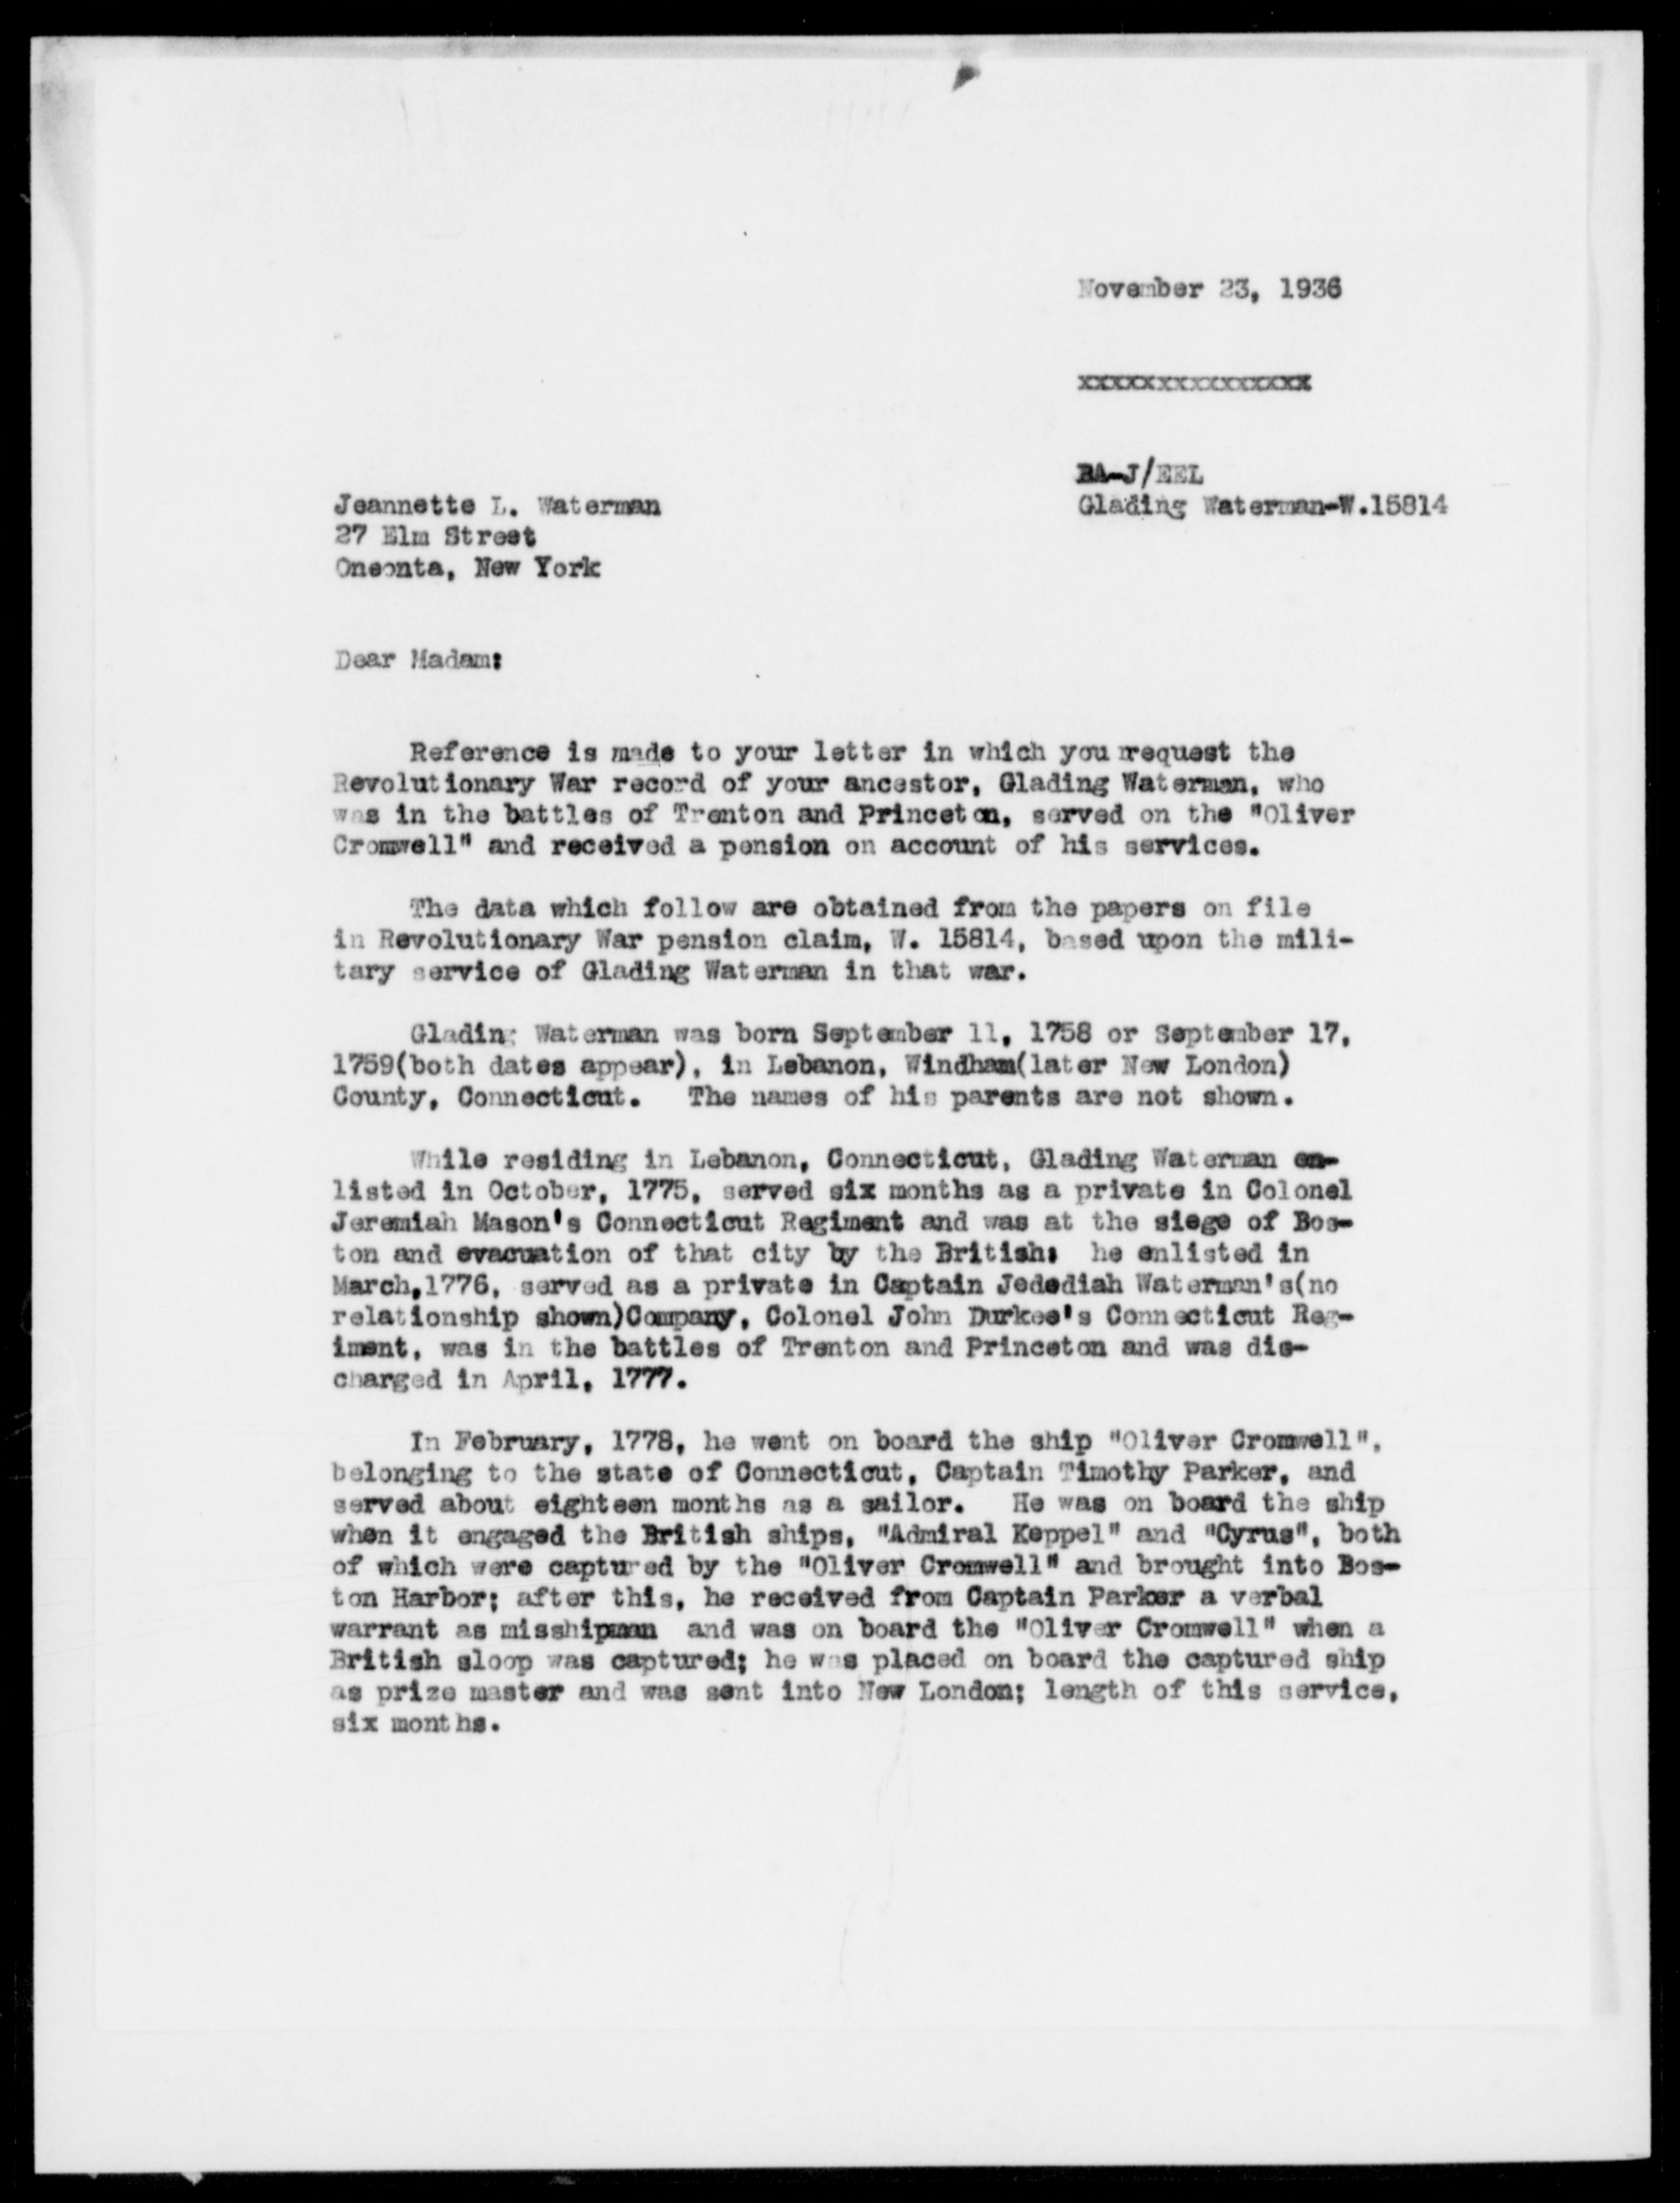BA-J/EEL
Glading Waterman - W.15814

Jeannette L. Waterman
27 Elm Street 
Oneonta, New York

Dear Madam:

     Reference is made to your letter in which you request the Revolutionary War record of your ancestor, Glading Waterman, who was in the battles of Trenton and Princeton, served on the "Oliver Cromwell" and received a pension on account of his services.

     The data which follow are obtained from the papers on file in Revolutionary War pension claim, W. 15814, based upon the military service of Glading Waterman in that war.

      Glading Waterman was born September 11, 1758 or September 17, 1759 (both dates appear), in Lebanon, Windham (later New London) County, Connecticut.  The names of his parents are not shown.

       While residing in Lebanon, Connecticut, Glading Waterman enlisted in October, 1775, served six months as a private in Colonel Jeremiah Mason's Connecticut Regiment and was at the siege of Boston and evacuation of that city by the British;  he enlisted in March, 1776, served as a private in Captain Jedediah Waterman's (no relationship shown) Company, Colonel John Durkee's Connecticut Regiment, was in the battles of Trenton and Princeton and was discharged in April, 1777.

       In February, 1778, he went on board the ship "Oliver Cromwell"  belonging  to the state of Connecticut, Captain Timothy Parker, and served about eighteen months as a sailor.  He was on board the ship when it engaged the British ships, "Admiral Keppel" and "Cyrus", both of which were captured by the "Oliver Cromwell" and brought into Boston Harbor; after this, he received from Captain Parker a verbal warrant as midshipman and was on board the "Oliver Cromwell" when a British sloop was captured; he was placed on board the captured ship as prize master and was sent into New London; length of this service, six months.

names: Timothy Parker, Oliver Cromwell, Glading Waterman, Jeannette L Waterman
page: 24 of 50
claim: widow's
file: W. 15814, Glading Waterman, Conn. Conn. Sea Service Continental